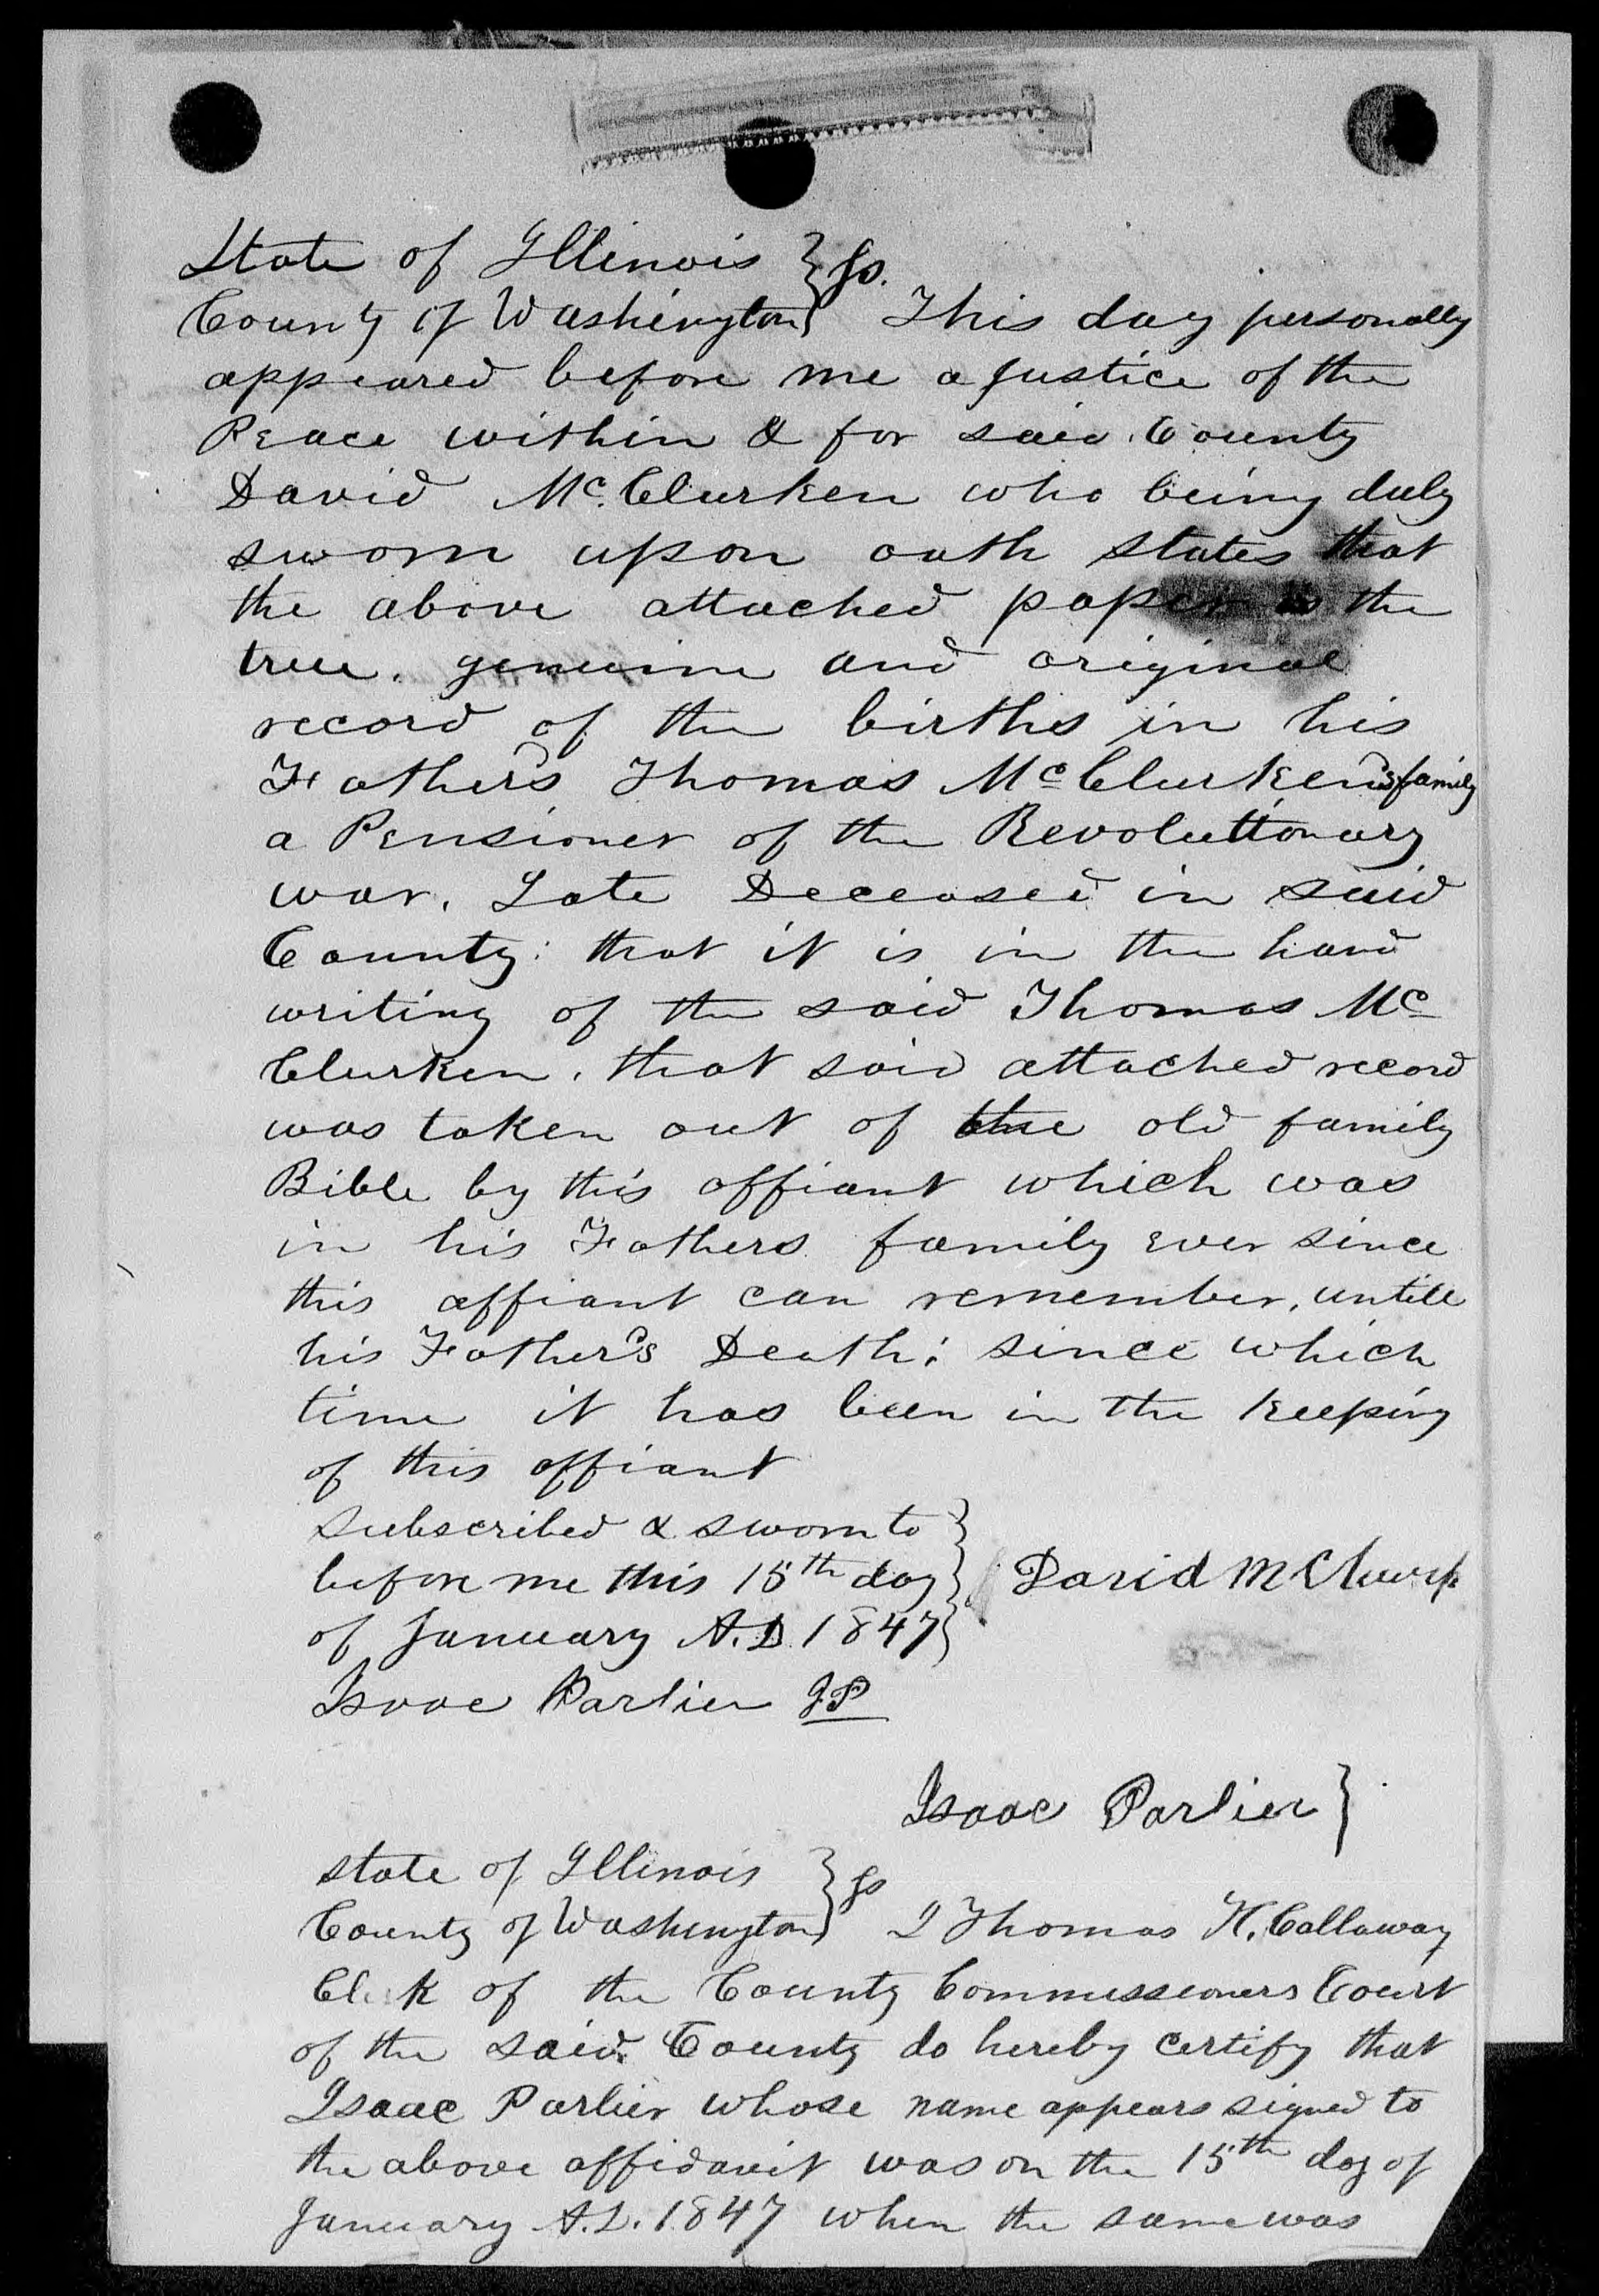State of Illinois} ss
County of Washington} 

This day personally appeared before me a Justice of the Peace within & for said County David McClurken who being duly sworn upon oath states that the above attached papers are the true genuine and original record of the births in his Father's Thomas McClurken's  family a Pensioner of the Revolutionary war , Late Deceased in said County: that it is in the hand writing of the said Thomas McClurken, that said attached record was taken out of the old family Bible by this affiant which was in his Fathers family ever since this affiant can remember, untill his Father's death, since which time it has been in the keeping of this affiant 
David McClurken

Subscribed & sworn to} 
before me this 15th day} 
of January A.D. 1847}
Isaac Parlier J.P. 

Isaac Parlier}
State of Illinois} ss
 County of Washington}

 I Thomas H. Callaway Clerk of the County Commissioners Court of the said County do hereby certify that Isaac Parlier whose name appears signed to the above affidavit was on the 15th day of January A.D. 1847 when the same was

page: 73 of 93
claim: widow's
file: W. 21792, for Thomas Mc Clurken, South Carolina